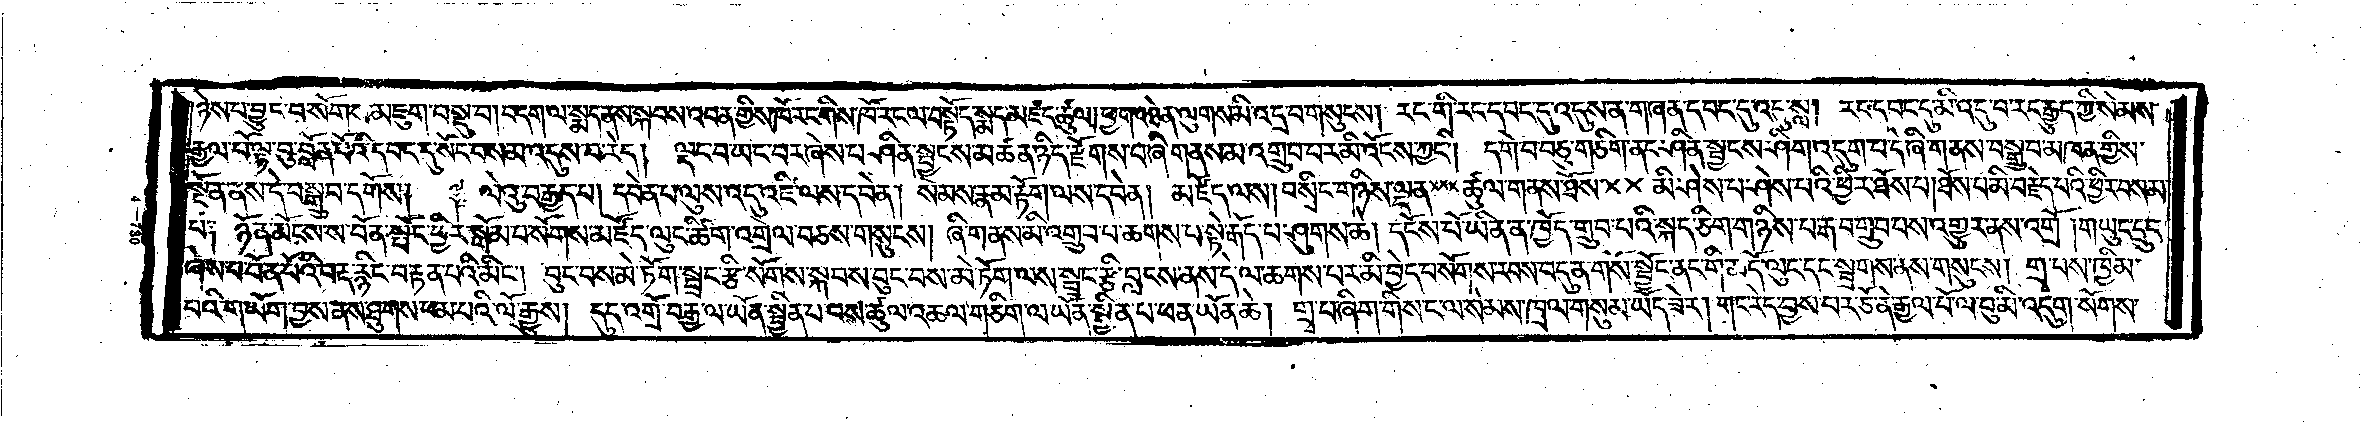ཉེས་པ་བྱུང་བ་སོགས་མཇུག་བསྡུ་བ། བདག་ལ་སྨད་ནས་སྐབས་འབན་གྱིས་ཁོ་རང་གིས་ཁོ་རང་ལ་བསྟོད་སྨད་མཛད་ཚུལ། ཕྱག་འཐེན་ལུགས་མི་འདྲ་བ་གསུངས། རང་གི་རང་དབང་དུ་འདུས་ན་གཞན་དབང་དུ་འདུ་སླ། རང་དབང་དུ་མི་འདུ་བ་རང་རྒྱུད་ཀྱི་སེམས་
རྒྱལ་པོ་ལྟ་བུ་བློན་པོའི་དབང་དུ་སོང་བསམ་འདུས་བ་རེད། ལྡང་བ་ཡང་བར་ཞེས་པ་ཤིན་སྦྱངས་མཚན་ཉིད་རྫོགས་པ་ཞི་གནས་མ་འགྲུབ་པར་མི་འོངས་ཀྱང་། དགེ་བ་བཅུ་གཅིག་ནང་ཤིན་སྦྱངས་ཤིག་འདུག་པ་དེ་ཞི་གནས་བསྒྲུབ་མཁན་གྱིས་
སྔོན་ནས་དེ་བསྒྲུབ་དགོས། ༈ ལེའུ་བརྒྱད་པ། དབེན་པ་ལུས་འདུ་འཛི་ལས་དབེན། སེམས་རྣམ་རྟོག་ལས་དབེན། མཛོད་ལས། བསྲིང་གཉིས་ལྡན་྾་྾་྾་ཚུལ་གནས་ཐོས་྾་྾་མི་ཤེས་པ་ཤེས་པའི་ཕྱིར་ཐོས་པ། ཐོས་པ་མི་བརྗེད་པའི་ཕྱིར་བསམ་
པ༑ ཉོན་མོངས་ས་བོན་སྤོང་ཕྱིར་སྒོམ་པ་སོགས་མཛོད་ལུང་ཚིག་འགྲེལ་བཅས་གསུངས། ཞི་གནས་མི་འགྲུབ་པ་ཆགས་པ་སྟེ་རྒོད་པ་ཤུགས་ཆེ། དངོས་པོ་ཡིན་ན་ཁྱོད་གྲུབ་པའི་སྐད་ཅིག་གཉིས་པ་རྒབ་གྲུབ་པས་འགྱུར་ནས་འགྲོ་།གཡུང་དྲུང་
ཞེས་པ་བོན་པོའི་བརྡ་རྙིང་བརྟན་པའི་མིང་། བུང་བས་མེ་ཏོག་སྦྲང་རྩི་སོགས་སྐབས་བུང་བས་མེ་ཏོག་ལས་སྦྲང་རྩི་བླངས་ནས་དེ་ལ་ཆགས་པར་མི་བྱེད་བ་སོགས་རབས་བདུན་གསོ་སྦྱོང་ནང་གི་མདོ་ལུང་དང་སྦྲགས་ནས་གསུངས། གྲྭ་པས་ཁྱིམ་
པའི་གཡོག་བྱས་ནས་ཐུགས་ཕམ་པའི་ལོ་རྒྱུས། དུད་འགྲོ་བརྒྱ་ལ་ཡོན་སྦྱིན་པ་བས་ཚུལ་འཆལ་གཅིག་ལ་ཡོན་སྦྱིན་པ་ཕན་ཡོན་ཆེ། གྲྭ་པ་ཞིག་གིས་ང་ལ་སེམས་ཁྲལ་གསུམ་ཡོད་ཟེར། གང་རེད་བྱས་པར་ཅོ་ནེ་རྒྱལ་པོ་ལ་བུ་མི་འདུག་སོགས་